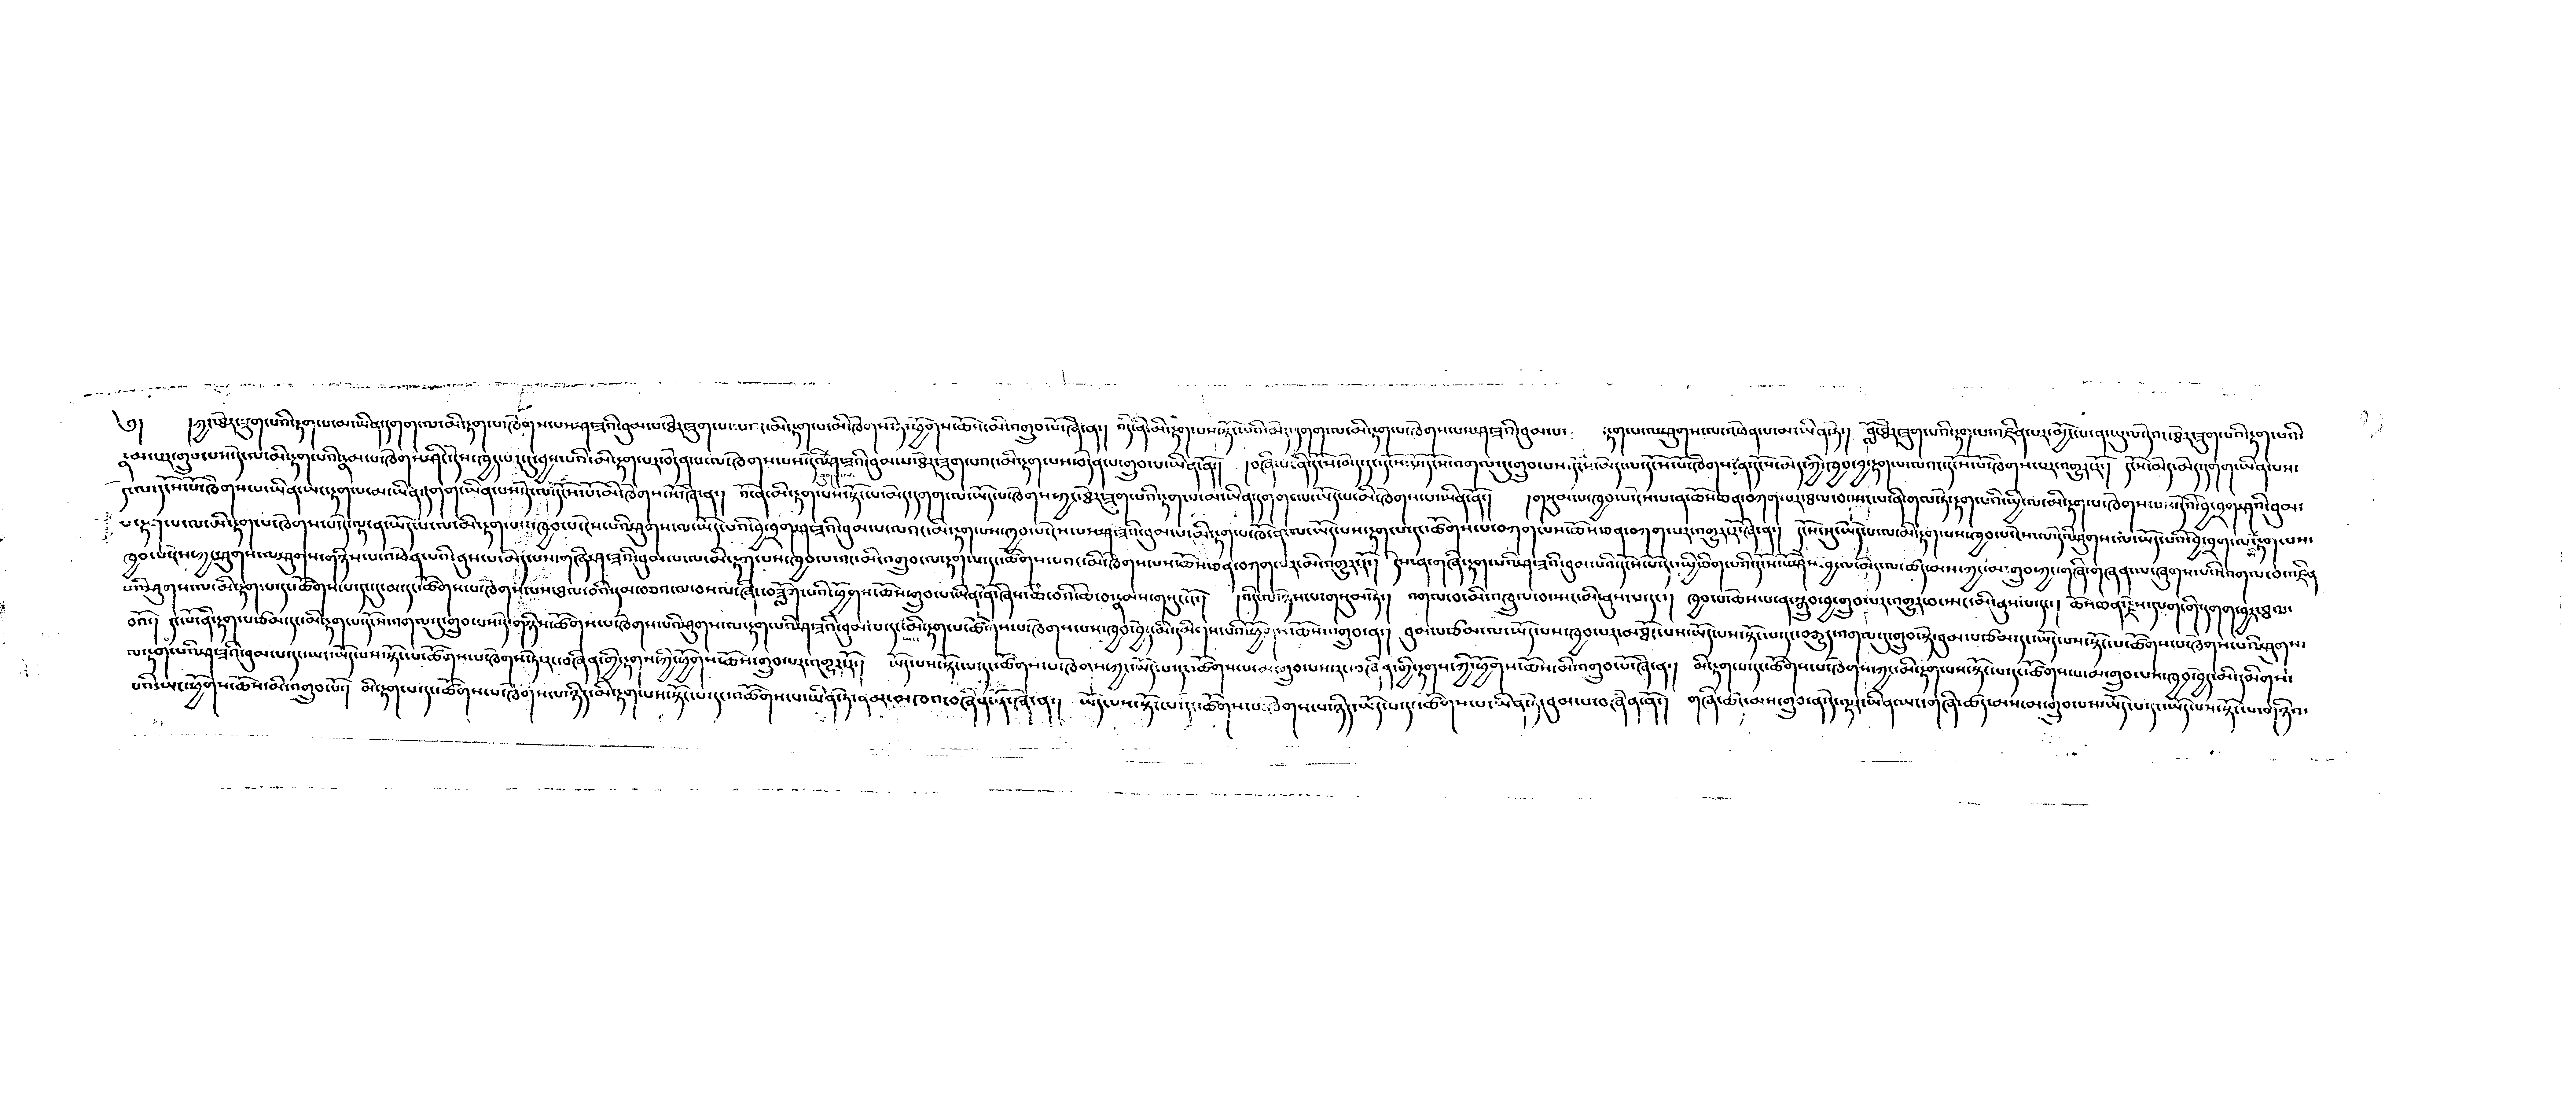༈། །ཀྱང་ཐེར་ཟུག་པའི་རྟག་པ་མ་ཡིན་དགག་ལ་མི་རྟག་པ་ཁེགས་པས་ཤ་ཟའི་བུམ་པ་ཐེར་ཟུག་པ་ལའང་མི་རྟག་པ་མི་ཁེགས་ཏེ་ཕྱོགས་ཆོས་མི་འགྲུབ་པོ་ཞེ་ན། འདི་ནི་མི་རྟག་པས་སྟོང་པའི་མེད་དགག་ལ་མི་རྟག་པ་ཁེགས་པས་ཤ་ཟའི་བུམ་པ་རྟག་པ་ལ་ཤུགས་ལ་འཕེན་པ་མ་ཡིན་ཏེ། བློ་ཐེར་ཟུག་པའི་རྟག་པ་འཛིན་པར་མྱོང་པ་ན་ཡུལ་དེའང་ཐེར་ཟུག་པའི་རྟག་པའི་
རྣམ་པར་གྲུབ་པས་དེ་ལ་མི་རྟག་པའི་རྣམ་པ་ཁེགས་ཤིང་དེས་ཁྱད་པར་དུ་བྱས་པའི་མི་རྟག་པར་བདེན་པ་ལ་ཁེགས་པས་དེའི་ཤུགས་ལ་ཤ་ཟའི་བུམ་པ་ཐེར་ཟུག་པའང་མི་རྟག་པས་བདེན་པ་གྲུབ་པ་ཡིན་ནོ། །བཞི་པ་ནི་དངོས་མེད་དང་དངོས་པོ་དངོས་འགལ་དུ་གྲུབ་པས་དངོས་མེད་ལ་དངོས་པོ་ཁེགས་ན་དངོས་མེད་ཀྱི་ཁྱབ་བྱ་རྟག་པ་ལའང་དངོས་པོ་ཁེགས་པར་འགྱུར་རོ། དངོས་མེད་མེད་དགག་ཡིན་པས་
དེ་ལ་དངོས་པོ་ཁེགས་པ་ཡིན་ཡང་རྟག་པ་མ་ཡིན་དགག་ཡིན་པས་དེ་ལ་དངོས་པོ་མི་ཁེགས་སོ་ཞེ་ན། འོ་ན་མི་རྟག་པས་སྟོང་པ་མེད་དགག་ལ་ཡོད་པ་ཁེགས་ཀྱང་ཐེར་ཟུག་པའི་རྟག་པ་མ་ཡིན་དགག་ལ་ཡོད་པ་མི་ཁེགས་པ་ཡིན་ནོ། །གསུམ་པ་ཁྱབ་པ་ངེས་པ་ན་ཆོས་ཅན་བཀག་པར་ཐལ་བ་སྤང་པ་ནི་གལ་ཏེ་རྟག་པའི་སྤྱི་ལ་མི་རྟག་པ་ཁེགས་པས་དེའི་བྱེ་བྲག་ཤའི་བུམ་
པ་རྟག་པ་ལ་མི་རྟག་པ་ཁེགས་པ་དེ་ལྟ་ན་ཡོད་པ་ལ་མི་རྟག་པས་ཁྱབ་པ་ངེས་པའི་ཤུགས་ལ་ཡོད་པའི་བྱེ་བྲག་ཤ་ཟའི་བུམ་པ་ལའང་མི་རྟག་པས་ཁྱབ་པ་ངེས་པས་ཤ་ཟའི་བུམ་པ་མི་རྟག་པ་ཁོ་ན་ལ་ཡོད་པས་རྟག་པ་དང་ཚོགས་པ་བཀག་པས་ཆོས་ཅན་བཀག་པར་འགྱུར་རོ་ཞེ་ན། དངོས་སུ་ཡོད་པ་ལ་མི་རྟག་པས་ཁྱབ་པ་ངེས་ལ་དེའི་ཤུགས་ལ་ཡོད་པའི་བྱེ་བྲག་ལ་མི་རྟག་པས་
ཁྱབ་པ་ངེས་ཀྱང་ཤུགས་ལ་ཤུགས་གཉིས་པ་འཕེན་པའི་ནུས་པ་མེད་པས་གཞི་ཤ་ཟའི་བུམ་པ་ལ་མི་རྟག་པས་ཁྱབ་པ་འང་མི་འགྲུབ་ལ་རྟག་པ་དང་ཚོགས་པའང་མི་ཁེགས་པས་ཆོས་ཅན་བཀག་པར་མི་འགྱུར་རོ། དེས་ན་གཞི་རྟག་པའི་ཤ་ཟའི་བུམ་པའི་དངོས་པོ་དང་སྤྱི་ཅིག་པའི་དངོས་པོ་ཤེས་བྱ་ལ་མེད་ལ་ཚད་མས་ཀྱང་མ་གྲུབ་ཀྱང་གཞི་གཞན་ལ་ཞུགས་པའི་འགལ་བ་འཛིན་
པའི་ཤུགས་ལ་མི་རྟག་པ་དང་ཚོགས་པ་དང་དུ་མ་དང་ཚོགས་པ་ཁེགས་པས་ཐལ་བའི་དམ་བཅའ་མ་བསལ་ཞིང་བཟློག་པའི་ཕྱོགས་ཆོས་གྲུབ་པ་ཡིན་ནོ་ཞེས་ཚེ་བའི་ཆེ་བ་རྣམས་གསུང་ངོ། །འདི་ལ་ཉེས་པ་གསུམ་ཏེ། འགལ་བ་མི་འཁྲུལ་བ་སྤང་མི་ནུས་པ་དང་། ཁྱབ་པ་ཆེས་པ་ན་སྒྲུབ་བྱ་གྲུབ་པར་འགྱུར་བ་སྤང་མི་ནུས་པ་དང་། ཆོས་ཅན་རྗེས་དཔག་གི་དགག་བྱར་ཐལ་
བའོ། དང་པོ་ནི་རྟག་པ་ཙམ་དང་མི་རྟག་པ་དངོས་འགལ་དུ་གྲུབ་པས་དེ་གཉིས་ཚོགས་པ་ཁེགས་པའི་ཤུགས་ལ་རྟག་པའི་ཤ་ཟའི་བུམ་པ་དང་ཡང་མི་རྟག་པ་ཚོགས་པ་ཁེགས་པས་ཁྱབ་བྱེད་མི་དམིགས་པའི་ཕྱོགས་ཆོས་འགྲུབ་ན། བུམ་པ་ཙམ་ལ་ཡོད་པས་ཁྱབ་པར་མཐོང་པས་ཡོད་པས་སྟོང་པ་དང་བརྒྱུད་འགལ་དུ་གྲུབ་སྟེ་བུམ་པ་ཙམ་དང་ཡོད་པས་སྟོང་པ་ཚོགས་པ་ཁེགས་པའི་ཤུགས་
ལ་རྟག་པའི་ཤ་ཟའི་བུམ་པ་དང་ཡང་ཡོད་པས་སྟོང་པ་ཚོགས་པ་ཁེགས་ཏེ་རང་བཞིན་གྱི་རྟགས་ཀྱི་ཕྱོགས་ཆོས་གྲུབ་པར་འགྱུར་རོ། ཡོད་པས་སྟོང་པ་དང་ཚོགས་པ་ཁེགས་ཀྱང་ཡོད་པ་དང་ཚོགས་པ་མ་གྲུབ་པས་རང་བཞིན་གྱི་རྟགས་ཀྱི་ཕྱོགས་ཆོས་མི་འགྲུབ་པོ་ཞེ་ན། མི་རྟག་པ་དང་ཚོགས་པ་ཁེགས་ཀྱང་མི་རྟག་པས་སྟོང་པ་དང་ཚོགས་པ་མ་གྲུབ་པས་ཁྱབ་བྱེད་མི་དམིགས་
པའི་ཡང་ཕྱོགས་ཆོས་མི་འགྲུབ་པོ། མི་རྟག་པ་དང་ཚོགས་པ་ཁེགས་པ་ཉིད་མི་རྟག་པས་སྟོང་པ་དང་འཚོགས་པ་ཡིན་ཏེ་ནམ་མཁའ་བཞིན་ནོ་ཞེ་ན། ཡོད་པས་སྟོང་པ་དང་ཚོགས་པ་ཁེགས་པ་ཉིད་ཡོད་པ་དང་ཚོགས་པ་ཡིན་ཏེ་བུམ་པ་བཞིན་ནོ། གཞི་ཚད་མས་གྲུབ་ན་དེ་ལྟར་ཡིན་ཡང་གཞི་ཚད་མས་མ་གྲུབ་པས་ཡོད་པ་དང་ཡོད་པས་སྟོང་པ་གཉིའ་